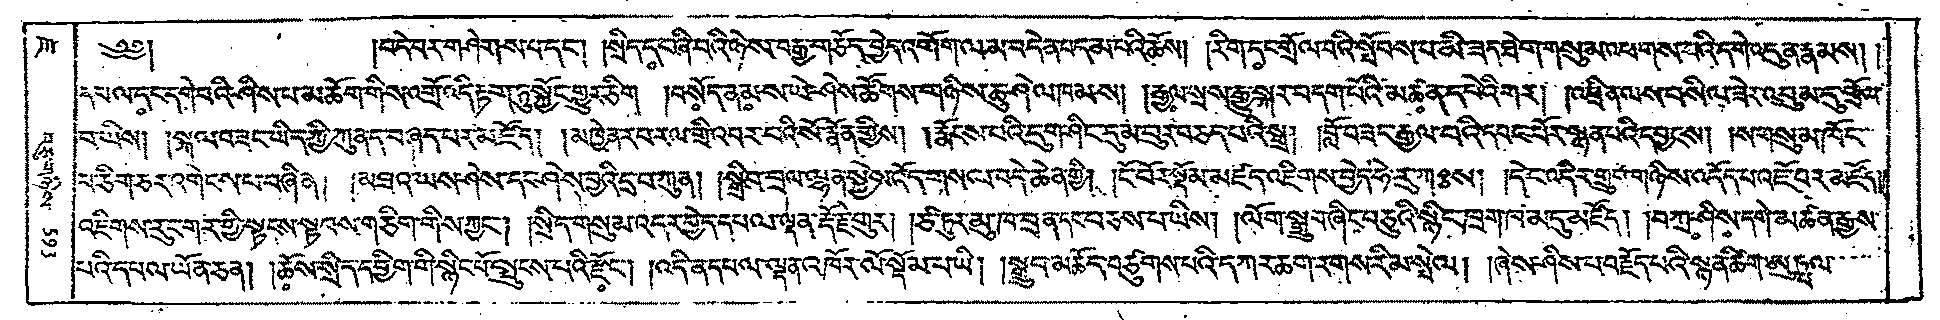༄༅། །བདེ་བར་གཤེགས་པ་དང་། །སྲིད་དང྾་ཞི་བའི་ཉེས་བརྒྱ་གཅོད་བྱེད་འགོག་ལམ་བདེན་པ་དམ་པའི་ཆོས། །རིག་དང྾་གྲོལ་བའི་སྤོབས་པ་མི་ཟད་ཐེག་གསུམ་འཕགས་པའི་དགེ་འདུན་རྣམས། །
དཔལ་དང྾་དགེ་བའི་ཤིས་པ་མཆོག་གིས་འགྲོ་འདི་རྟག་ཏུ་སྐྱོང་གྱུར་ཅིག །བསོད྾་ནམས྾་ཡེ་ཤེས་ཚོགས་གཉིས་ཆུ་ཤེལ་ཁམས། །རྒྱལ྾་སྲས་རྒྱུ་སྐར་བདག་པོའི་མཚན྾་དཔེའི་གར། །འཕྲིན་ལས་བསིལ་ཟེར་འབུམ་དུ་གྲོལ་
བ་ཡིས། །སྐལ་བཟང་ཡིད་ཀྱི་ཀུན་ད་བཞད་པར་མཛོད། །མཁྱེན་རབ་རལ་གྲི་འབར་བའི་སོ་རྣོན་གྱིས། །རྨོངས་པའི་དུག་ཤིང་དུམ་བུར་བཅད་པའི་སྒྲ། །བློ་བཟང་རྒྱལ་བའི་དབང་པོར་སྙན་པའི་དབྱངས། །ས་གསུམ་ཁོང་
པ་ཅིག་ཅར་འགེངས་པ་བཞིན། །མཐའ་ཡས་ཤེས་དང་ཤེས་བྱའི་དྲ་བ་ཀུན། །སྒྲིབ་བྲལ་ལྷན་སྐྱེས་འོད་གསལ་བདེ་ཆེན་གྱི། །ངོ་བོར་སྡོམ་མཛད་འཇིགས་བྱེད་ཧེ་རུ་ཀཿ ས། །དེང་འདིར་གྲུབ་གཉིས་འདོད་པ་འཇོ་བར་མཛོད། །
འཇིགས་རུང་གར་གྱི་སྟངས་སྟབས་གཅིག་གིས་ཀྱང་། །སྲིད་གསུམ་འདར་བྱེད་དཔལ་ལྡན་རྡོ་རྗེ་གུར། །ཙ་ཏུར་མུ་ཁ་བྲན་དང་བཅས་པ་ཡིས། །ལོག་སྒྲུབ་ཞིང་བཅུའི་སྙིང་ཁྲག་ཁམ་དུ་མཛོད། །བཀྲ྾་ཤིས྾་དགེ་མཚན་རྒྱས་
པའི་དཔལ་ཡོན་ཅན། །ཆོས྾་སྲིད་དབྱིག་གི་སྙིང་པོ་སྤུངས་པའི་རྫོང྾། །འདི་ན་དཔལ་ལྡན་འཁོར་ལོ་སྡོམ་པ་ཡི། །སྒྲུབ་མཆོད་བཙུགས་པའི་དཀར་ཆག་རགས་རིམ་སྤེལ། །ཞེས་ཤིས་པ་བརྗོད་པའི་སྙན་ཚིག་ཨུཏྤལ་